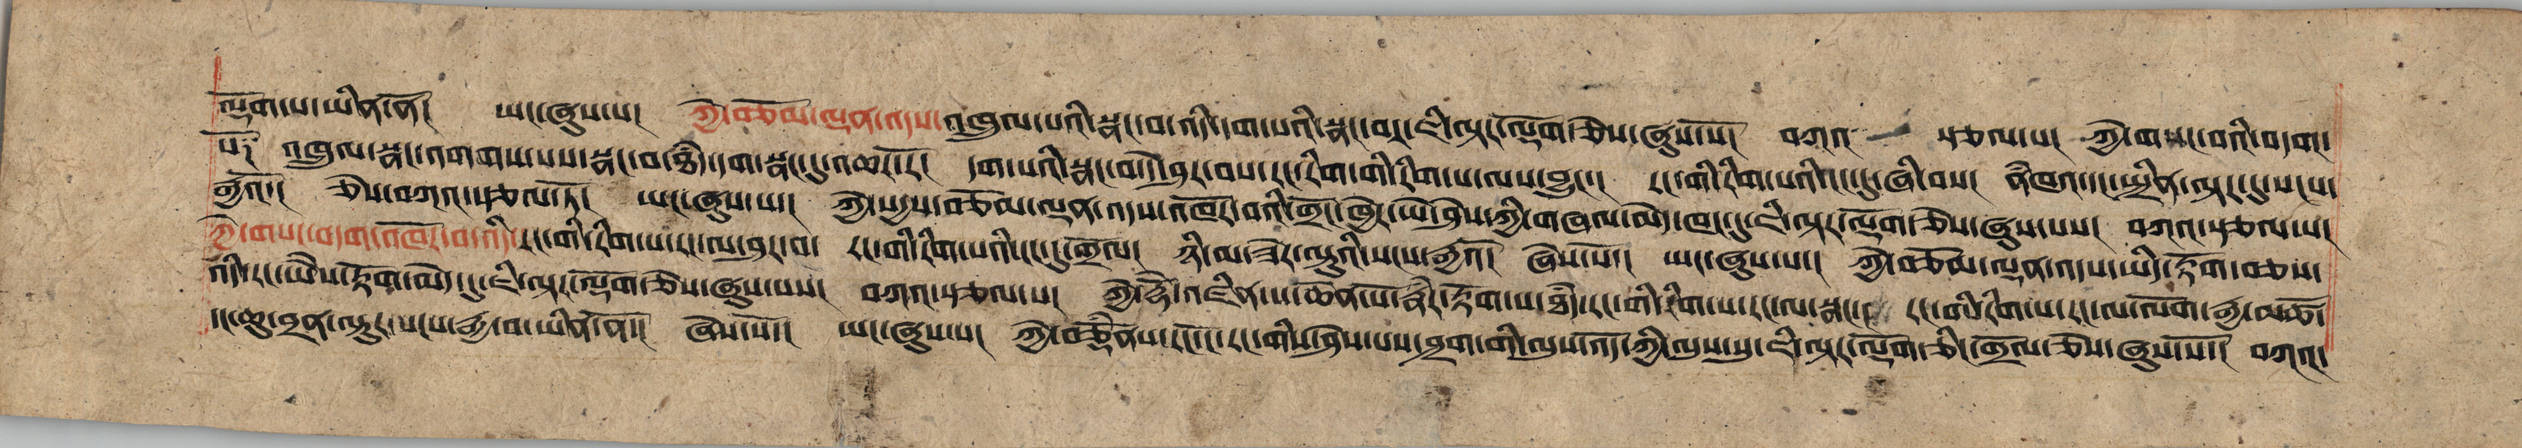ལྡོག་པ་ཡིན་ནོ། ཡང་ཞུས་པ། ཀྱེ་བཅོམ་ལྡན་འདས་འཁྲུལ་པའི་སྣང་བ་འདི་དག་པའི་སྣང་བར་ཇི་ལྟར་ལྡོག་ཅེས་ཞུས་སོ། བཀའ་ སྩལ་པ། ཀྱེ་གསང་བའི་བདག་
པོ༑ འཁྲུལ་སྣང་འགགས་པས་སྣང་བ་ཐདཾ་དག་སྣང་དུ་འཆར་རོ། དག་པའི་སྣང་བ་དེ་ཤར་བས་རང་རིག་གི་རིག་པ་ལས་བྱུང་། རང་གི་རིག་པའི་ངང་དུ་ཞི་བས། ནཾཁའ་དང་སྤྲིན་ལྟར་དུ་སངས་
རྒྱའོ་། ཅེས་བཀའ་སྩལ་ཏོ། ཡང་ཞུས་པ་། ཀྱེ་སདྱས་བཅོམ་ལྡན་འདས་འཁོར་བའི་གྲོང་ཁྱེར་ཡེ་ཤེས་ཀྱི་གཞལ་མེད་ཁང་དུ་ཇི་ལྟར་ལྡོག་ཅེས་ཞུས་པས། བཀའ་སྩལ་པ།
ཀྱེ་གསང་བདག་འཁོར་བ་འདི་རང་གི་རིག་པ་རང་ལ་ཤར་བ། རང་གི་རིག་པའི་ངང་དུ་གྲོལ། ཉི་མ་ཟེར་ལྟུའི་སངས་རྒྱའོ། ཞེས་སོ་། ཡང་ཞུས་པ་། ཀྱེ་བཅོམ་ལྡན་འདས་ཡིད་རྟོག་བཅས་
འདི་རང་ཡཻས་རྟོག་མེད་དུ་ཇི་ལྟར་ལྡོག་ཅེས་ཞུས་པས། བཀའ་སྩལ་པ། ཀྱེ་རྡོེ་འཛིན་པ་ཆེན་པོ་རྣཾར་རྟོག་པ་ཐདཾ་རང་གི་རིག་པ་རང་ལ་སྣང་། རང་གི་རིག་པ་རང་ལ་ལོག་རྒྱ་མཚོ་
དང་ཆུ་བྲན་ལྟུར་སངས་རྒྱ་བ་ཡིན་ནོ་། ཞེས་སོ་། ཡང་ཞུས་པ། ཀྱེ་བཅྡོཾནས་རང་ངོ་རང་གིས་ཤེས་པས་ཤྲག་གི་ལུས་འོད་ཀྱི་ལུས་སུ་ཇི་ལྟར་ལྡོག་ཅིང་གྲོལ་ཅེས་ཞུས་སོ་། བཀའ་